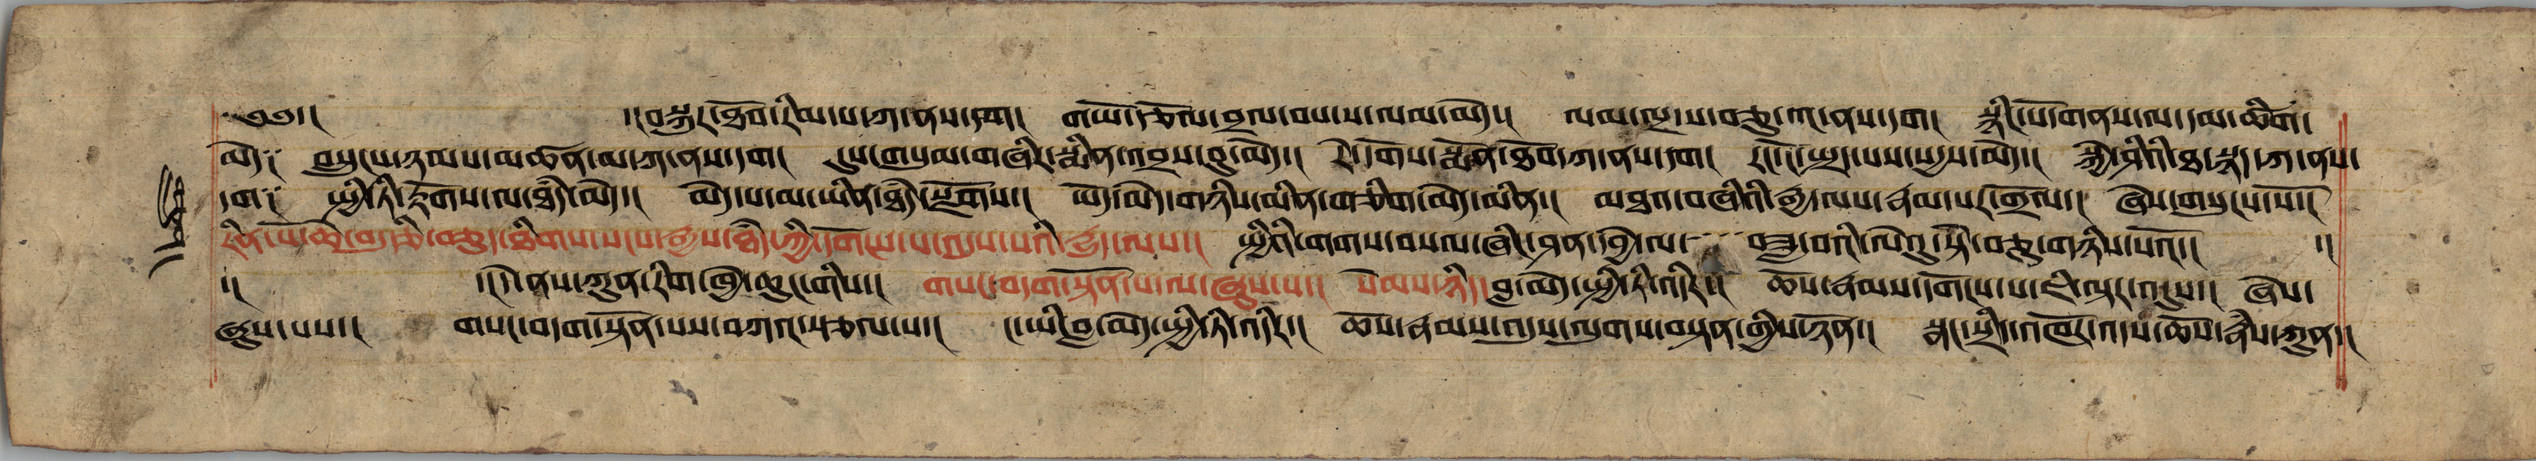༄༅་། ་།བསྐུར་ཐོབ་རིམ་པ་ཀ་ནས་དག། གཡོ་རྩོལ་བྲལ་བས་ས་ལམ་མེད་། ལམ་ལྔ་ས་བཅུ་འང་ནས་དག། སྙིང་པོ་གནས་ལ་དམ་ཚིག་
མེད༑ བསྲུངས་ཉམས་མཚན་མ་ཀ་ནས་དག། དུས་གསུམ་གཞིར་སྨིན་འབྲས་བུ་མེད་། རེ་དོགས་སྨོན་ཐོབ་ཀ་ནས་དག། རང་ངོ་སྤྲད་པས་སདྱས་མེད་། སྐྱེ་ཤིའི་ཐ་སྙད་ཀ་ནས་
དག༑ སྤྱི་ཏི་རྟོགས་ལ་ཐཾད་མེད་། མེད་པ་མ་ཡིན་ཐཾད་སྫོགས་། ཡོད་མེད་གཉིས་མིན་གཅིག་མེད་མིན་། མཐའ་བཞིའི་རྒྱ་ལས་རྣམ་པར་གྲོལ་། ཞེས་གསུངས་སོ་།
རིན་པོ་ཆེ་བདུདཅི་བཅུད་ཐིགས་སངས་རྒྱས་ཐཾད་ཀྱི་དགོངས་པ་འདུས་པའི་རྒྱུད་ལས་། སྤྱིའི་གགས་བསལ་ཞིང་ཤན་དབྱེ་ལ་ བཟླ་བའི་ལེའུ་སྟེ་བཅུ་གཉིས་པའོ་། ་།
་ངདེ་ནས་ཀུན་རིག་ཁྱེ་ཆུང་གིས་། གསང་བདག་སྟོན་པ་ལ་ཞུས་པ་། སེམས་ཉིད་བླ་མེད་སྤྱི་ཏི་འདིར་། ཆོས་རྣམས་དགོངས་པ་ཇི་ལྟར་འདུས་། ཞེས་
ཞུས་པས་། གསང་བདག་སྟོན་པས་བཀའ་སྩལ་པ་། ང་ཡི་བླ་མེད་སྤྱི་ཏི་འདིར་། ཆོས་རྣམས་འདུས་ལུགས་བསྟན་གྱིས་ཉོན་། སྣང་སྲིད་འཁོར་འདས་ཆོས་རྣཾས་ཀུན་